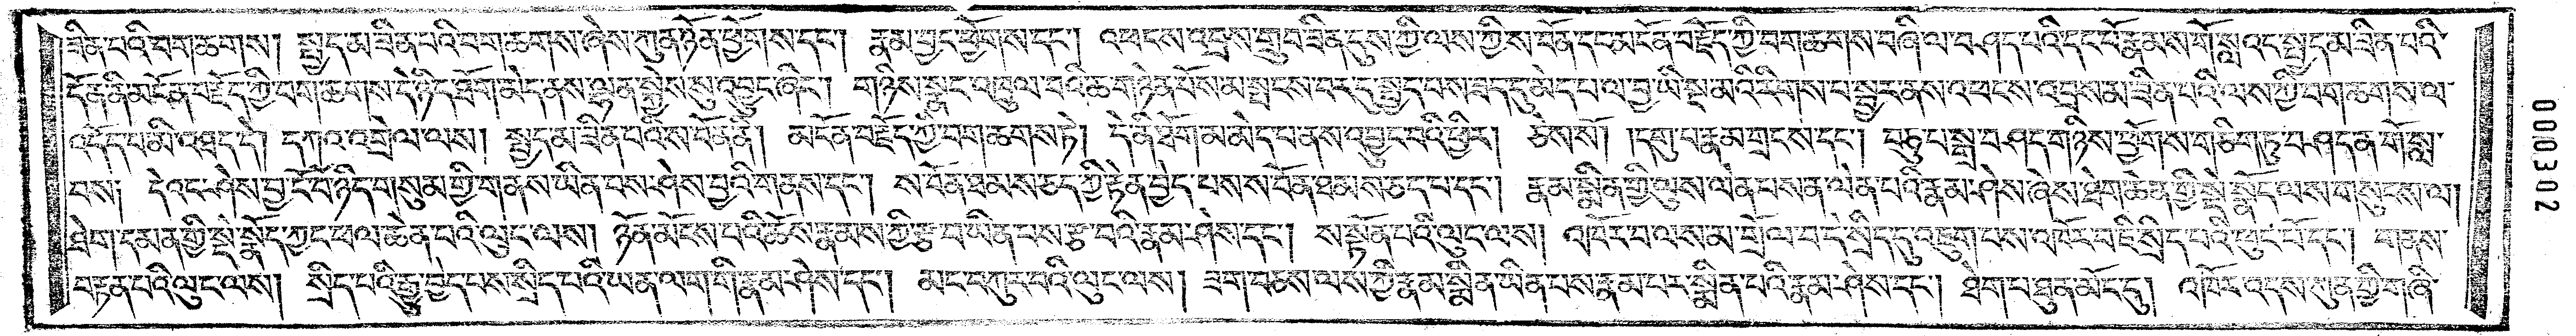ཟིན་པའི་བག་ཆགས། སྤྱད་མ་ཟིན་པའི་བག་ཆགས་ཞེས་ཀུན་ཉོན་ཕྱོགས་དང་། རྣམ་བྱང་ཕྱོགས་དང་། འཕངས་འབྲས་གྲུབ་ཟིན་དུས་ཀྱི་ལས་ཀྱི་ས་བོན་དང་མངོན་བརྗོད་ཀྱི་བག་ཆགས་བཞི་ལ་བཤད་པའི་དང་པོ་རྣམས་གོ་གླེའང་སྤྱད་མ་ཟིན་པའི་
དོན་ནི་མངོན་བརྗོད་ཀྱི་བག་ཆགས་དེ་ཉིད་ཐོག་མེད་ནས་ལྷན་སྐྱེས་སུ་འབྱུང་ཞིང་། གཉིས་སྣང་འཁྲུལ་བའི་ཆ་གཉེན་པོས་མ་སྤངས་བར་དུ་སྤྱད་པས་ཟད་དུ་མེད་པ་ལ་བྱ་ཡི་སྔ་མའི་རིགས་ཕ་སྦྱར་ནས་འཕངས་འབྲས་མ་ཟིན་པའི་ལས་ཀྱི་བག་ཆགས་ལ་
འདོད་པ་མི་འཐད་དེ། དཀའ་འགྲེལ་ལས། སྤྱད་མ་ཟིན་པའི་ས་བོན་ནི། མངོན་བརྗོད་ཀྱི་བག་ཆགས་ཏེ། དེ་ནི་ཐོག་མ་མེད་པ་ནས་འབྱུང་བའི་ཕྱིར། ཅེས་སོ། །དགུ་པ་རྣམ་གྲངས་དང་། བཅུ་པ་སྒྲ་བཤད་གཉིས་ཕྱོགས་གཅིག་ཏུ་བཤད་ན་གོ་སླ་
བས། དེའང་ཤེས་བྱ་ངོ་བོ་ཉིད་གསུམ་གྱི་གནས་ཡིན་པས་ཤེས་བྱའི་གནས་དང་། ས་བོན་ཐམས་ཅད་ཀྱི་རྟེན་བྱེད་པས་ས་བོན་ཐམས་ཅད་པ་དང་། རྣམ་སྨིན་གྱི་ལུས་ལེན་པས་ན་ལེན་པའི་རྣམ་ཤེས་ཞེས་ཐེག་ཆེན་གྱི་སྡེ་སྣོད་ལས་གསུངས་ལ།
ཐེག་དམན་གྱི་སྡེ་སྣོད་ཀྱང་ཕལ་ཆེན་པའི་ལུང་ལས། ཉོན་མོངས་པའི་ཆོས་རྣམས་ཀྱི་རྩ་བ་ཡིན་པས་རྩ་བའི་རྣམ་ཤེས་དང་། ས་སྟོན་པའི་ལུང་ལས། འཁོར་བ་ལས་མ་གྲོལ་བ་དེ་སྲིད་དུ་འཇུག་པས་འཁོར་བ་ཇི་སྲིད་པའི་ཕུང་པོ་དང་། གནས་
བརྟན་པའི་ལུང་ལས། སྲིད་པའི་རྒྱུ་བྱེད་པས་སྲིད་པའི་ཡན་ལག་གི་རྣམ་ཤེས་དང་། མང་བཀུར་བའི་ལུང་ལས། ཟག་བཅས་ལས་ཀྱི་རྣམ་སྨིན་ཡིན་པས་རྣམ་པར་སྨིན་པའི་རྣམ་ཤེས་དང་། ཐེག་པ་ཐུན་མོང་དུ། འཁོར་འདས་ཀུན་གྱི་གཞི་